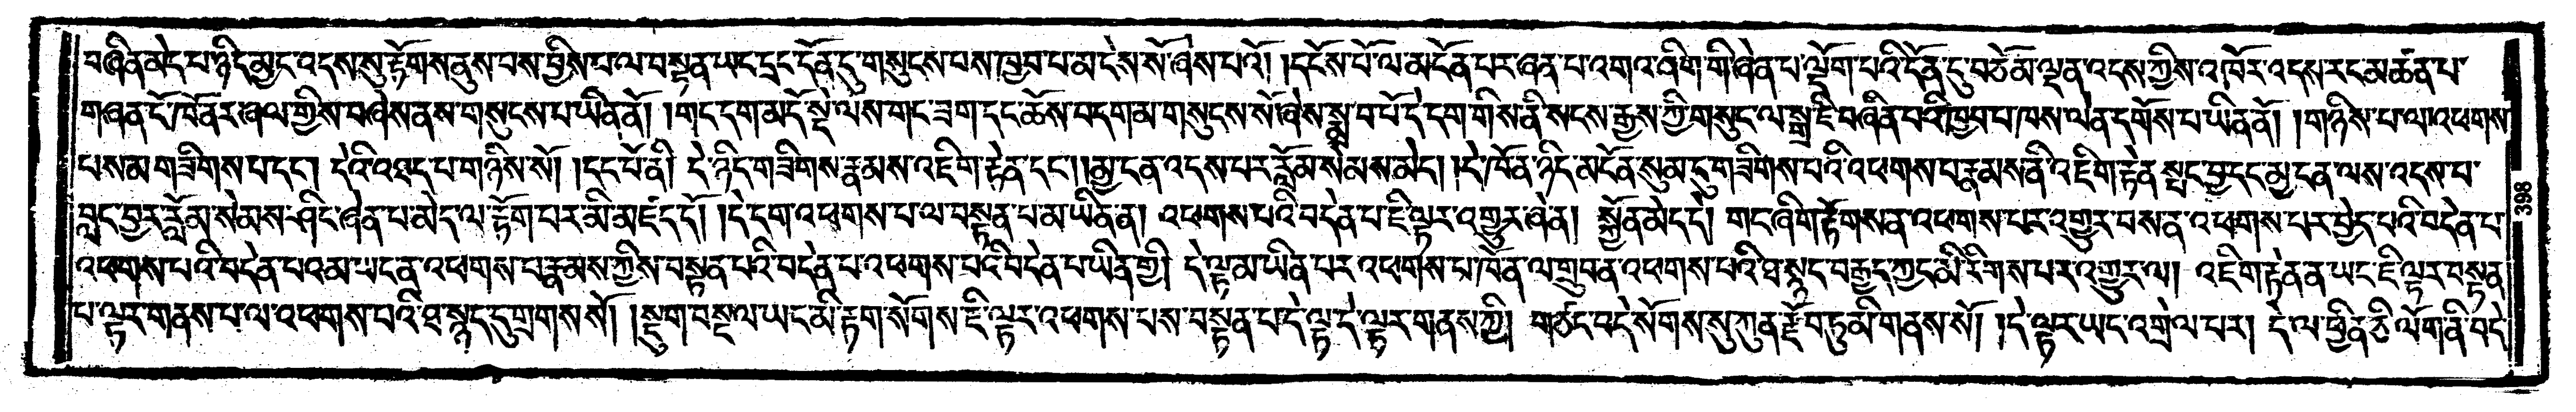བཞིན་མེད་པ་ཉིད་མྱང་འདས་སུ་རྟོགས་ནུས་པས་བྱིས་པ་ལ་བསྟན་ཡང་དྲང་དོན་དུ་གསུངས་པས་ཁྱབ་པ་མ་ངེས་སོ་ཞེས་པའོ། །དངོས་པོ་ལ་མངོན་པར་ཞན་པ་འགའ་ཤིག་?་གི་ཞེན་པ་ལྡོག་པའི་དོན་དུ་བཅོམ་ལྡན་འདས་ཀྱིས་འཁོར་འདས་རང་མཚན་པ་
གཞན་ངོ་ཁོ་ནར་ཞལ་གྱིས་བཞེས་ནས་གསུངས་པ་ཡིན་ནོ། །གང་དག་མདོ་སྡེ་ལས་གང་ཟག་དང་ཆོས་བདག་མ་གསུངས་སོ་ཞེས་སྨྲ་བ་པོ་དེ་དག་གིས་ནི་སངས་རྒྱས་ཀྱི་གསུང་ལ་སྒྲ་ཇི་བཞིན་པའི་ཁྱབ་པ་ཁས་ལེན་དགོས་པ་ཡིན་ནོ། །གཉིས་པ་ལ་འཕགས་
པས་མ་གཟིགས་པ་དང་། དེའི་འཐད་པ་གཉིས་སོ། །དང་པོ་ནི། དེ་ཉིད་གཟིགས་རྣམས་འཇིག་རྟེན་དང་། །མྱ་ངན་འདས་པར་རློམ་སེམས་མེད། །དེ་ཁོ་ན་ཉིད་མངོན་སུམ་དུ་གཟིགས་པའི་འཕགས་པ་རྣམས་ནི་འཇིག་རྟེན་སྤང་བྱ་དང་མྱ་ངན་ལས་འདས་པ་
བླང་བྱར་རློམ་སེམས་ཤིང་ཞེན་པ་མེད་ལ་རྟོག་པར་མི་མཛད་དོ། །དེ་དག་འཕགས་པ་ལ་བསྟན་པ་མ་ཡིན་ན། འཕགས་པའི་བདེན་པ་ཇི་ལྟར་འགྱུར་ཞེ་ན། སྐྱོན་མེད་དེ། གང་ཞིག་རྟོགས་ན་འཕགས་པར་འགྱུར་བས་ན་འཕགས་པར་བྱེད་པའི་བདེན་པ་
འཕགས་པའི་བདེན་པའམ་ཡང་ན་འཕགས་པ་རྣམས་ཀྱིས་བསྟན་པའི་པྦྡེན་པ་འཕགས་པའི་བདེན་པ་ཡིན་གྱི། དེ་ལྟ་མ་ཡིན་པར་འཕགས་པ་ཁོ་ན་ལ་གྲུབ་ན་འཕགས་པའི་ཐ་སྙད་བརྒྱད་ཀྱང་མི་རིགས་པར་འགྱུར་ལ། འཇིག་རྟེན་ན་ཡང་ཇི་ལྟར་བསྟན་
པ་ལྟར་གནས་པ་ལ་འཕགས་པའི་ཐ་སྙད་དུ་གྲགས་སོ། །སྡུག་བསྔལ་ཡང་མི་རྟག་སོགས་ཇི་ལྟར་འཕགས་པས་བསྟན་པ་དེ་ལྟ་དེ་ལྟར་གནས་ཀྱི། གཙང་བདེ་སོགས་སུ་ཀུན་རྫོབ་ཏུ་མི་གནས་སོ། །དེ་ལྟར་ཡང་འགྲེལ་པར། དེ་ལ་ཕྱིན་ཅི་ལོག་ནི་བདེ་